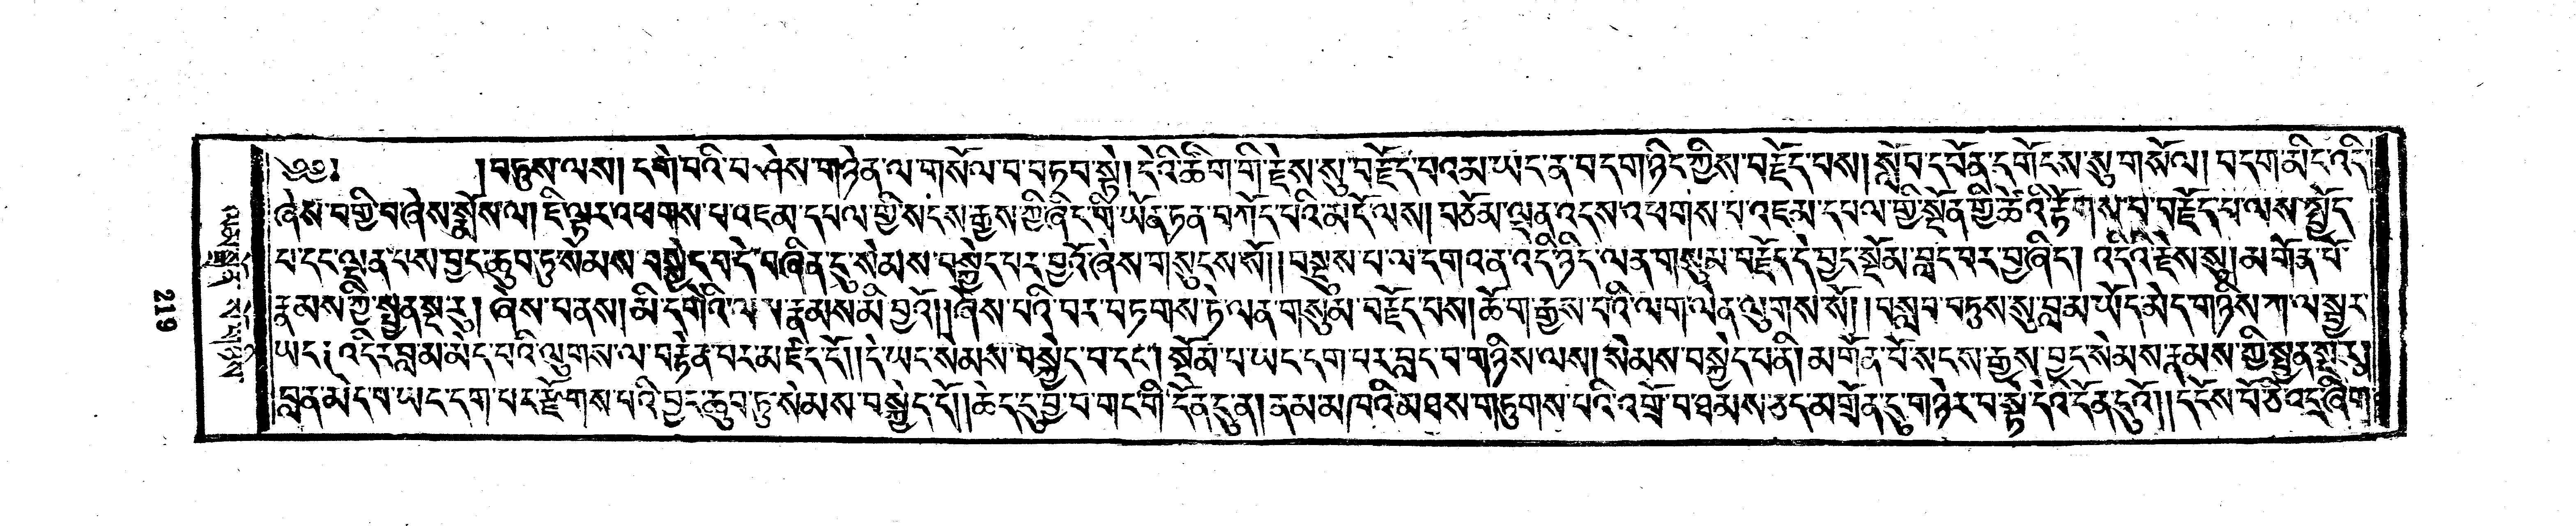༄༅། །བཏུས་ལས། དགེ་བའི་བཤེས་གཉེན་ལ་གསོལ་བ་བཏབ་སྟེ། དེའི་ཚིག་གི་རྗེས་སུ་བརྗོད་པའམ་ཡང་ན་བདག་ཉིད་ཀྱིས་བརྗོད་པས། སློབ་དཔོན་དགོངས་སུ་གསོལ། བདག་མིང་འདི་
ཞེས་བགྱི་བ་ཞེས་སྨོས་ལ། ཇི་ལྟར་འཕགས་པ་འཇམ་དཔལ་གྱི་སངས་རྒྱས་ཀྱི་ཞིང་གི་ཡོན་ཏན་བཀོད་པའི་མདོ་ལས། བཅོམ་ལྡན་འདས་འཕགས་པ་འཇམ་དཔལ་གྱི་སྔོན་གྱི་ཚེའི་རྟོགས་པ་བརྗོད་པ་ལས་སྤྱོད་
པ་དང་ལྡན་པས་བྱང་ཆུབ་ཏུ་སེམས་བསྐྱེད་པ་དེ་བཞིན་དུ་སེམས་བསྐྱེད་པར་བྱའོ་ཞེས་གསུངས་སོ། །བསྡུས་པ་ལ་དགའ་ན་འདི་ཉིད་ལན་གསུམ་བརྗོད་དེ་བྱང་སྡོམ་བླང་བར་བྱ་ཞིང་། འདིའི་རྗེས་སུ། མགོན་པོ་
རྣམས་ཀྱི་སྤྱན་སྔ་རུ། ཞེས་པ་ནས། མི་དགེའི་ལས་རྣམས་མི་བྱའོ། །ཞེས་པའི་བར་བཏགས་ཏེ་ལན་གསུམ་བརྗོད་པས། ཆོ་ག་རྒྱས་པའི་ལག་ལེན་ལུགས་སོ། །བསླབ་བཏུས་སུ་བླ་མ་ཡོད་མེད་གཉིས་ཀ་ལ་སྦྱར་
ཡང་། འདིར་བླ་མ་མེད་པའི་ལུགས་ལ་བརྟེན་པར་མཛད་དོ། །དེ་ཡང་སེམས་བསྐྱེད་པ་དང་། སྡོམ་པ་ཡང་དག་པར་བླང་བ་གཉིས་ལས། སེམས་བསྐྱེད་པ་ནི། མགོན་པོ་སངས་རྒྱས་བྱང་སེམས་རྣམས་ཀྱི་སྤྱན་སྔ་རུ།
བླ་ན་མེད་པ་ཡང་དག་པར་རྫོགས་པའི་བྱང་ཆུབ་ཏུ་སེམས་བསྐྱེད་དོ། །ཆེད་དུ་བྱ་བ་གང་གི་དོན་དུ་ན། ནམ་མཁའི་མཐས་གཏུགས་པའི་འགྲོ་བ་ཐམས་ཅད་མགྲོན་དུ་གཉེར་བ་སྟེ་དེའི་དོན་དུའོ། །དངོས་པོ་ཅི་འདྲ་ཞིག་